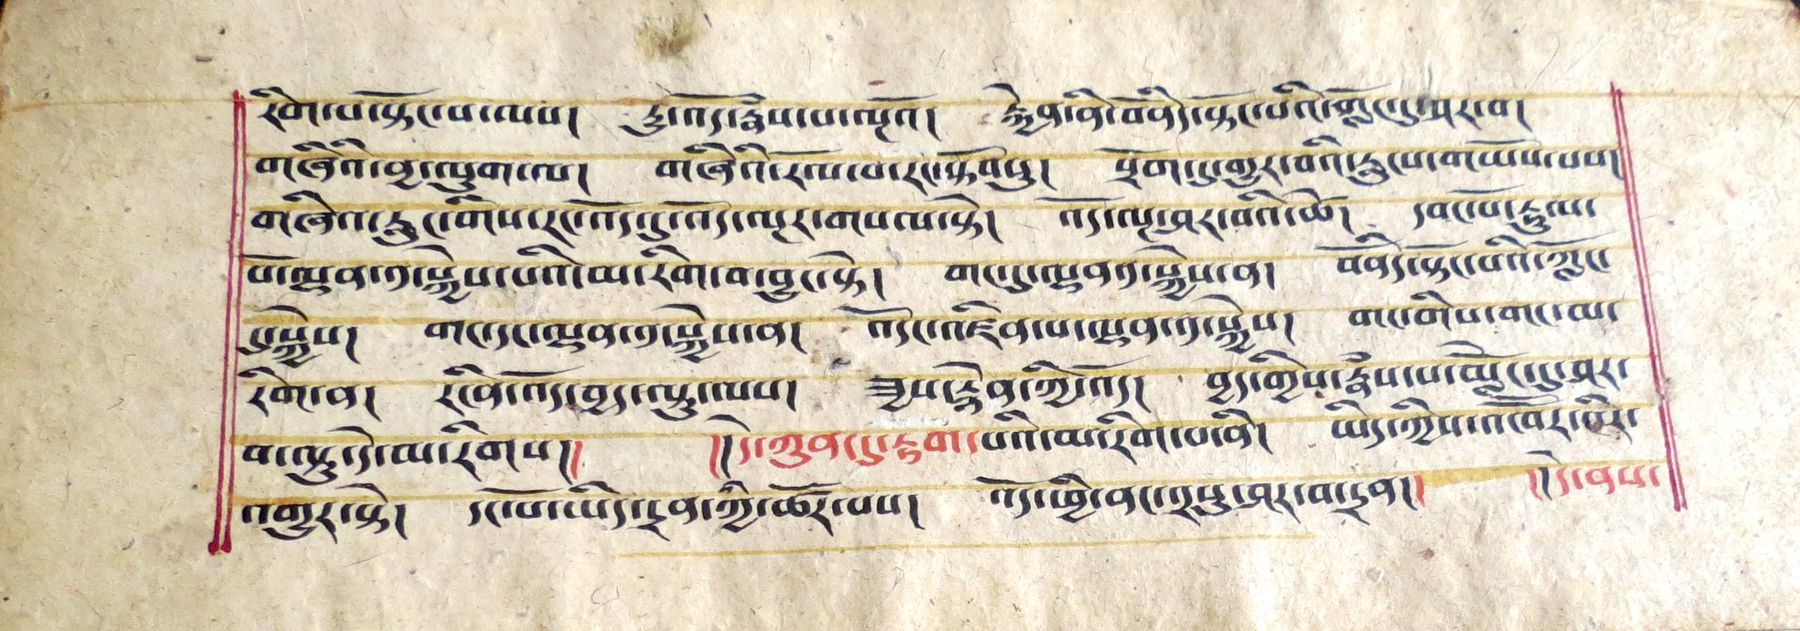རིོག་པ་སྟོང་པ་ལས། རྒྱུ་འོད་རྣམ་པ་ལྔའོ། ། རྐྱེན་ནི་བོན་ཉིད་སྟོང་པའི་ཀློང་དུ་ཤར་བ། 
གཞིའི་གནས་ལུགས་ལ། གཞིའི་རོལ་པ་རང་སྟོབས་སུ། ། སྲོག་ཏུ་གྱུར་པའི་རླུང་གཡོས་པས། ། 
གཞི་རླུང་གིས་རང་འོད་དུ་འོད་ལྔར་གསལ་སྟེ། འོད་ལྔ་ཤར་བའི་ཚེ། དབང་པོ་རྟུལ་
པོ་ལྷན་ཅིག་སྐྱེས་པའི་མ་རིག་པ་བྱུང་སྟེ། གང་དུ་ལྷན་ཅིག་སྐྱེས་ན། བོན་ཉིད་སྟོང་པའི་ཀློང་
དུ་སྐྱེས། གང་དང་ལྷན་ཅིག་སྐྱེས་ན། འོད་དང་འཛིན་པ་ལྷན་ཅིག་སྐྱེས། གང་གིས་གང་མ་
རིག་ན། རང་བཞིན་འོད་བྱད་ལྟ་བུ་ལས། གཟུགས་རྟེན་གྱི་འོད། བྱད་ཀྱི་རྣམ་པ་མེ་ལོང་དུ་ཤར་
བ་ལྟ་བུ་དེ་མ་རིག དེ་ཀུན་ཏུ་བརྟགས་པའི་མ་རིག་པ་ནི། ཡིད་ཀྱི་འཁོར་ལོ་བཞིར་
འགྱུར་ཏེ། དང་པོ་ཡིད་དྲན་གྱི་ཚོར་བས། འོད་ཕྱི་ནང་གཉིས་སུ་ཤར་བ་དྲན། དེ་ནས་